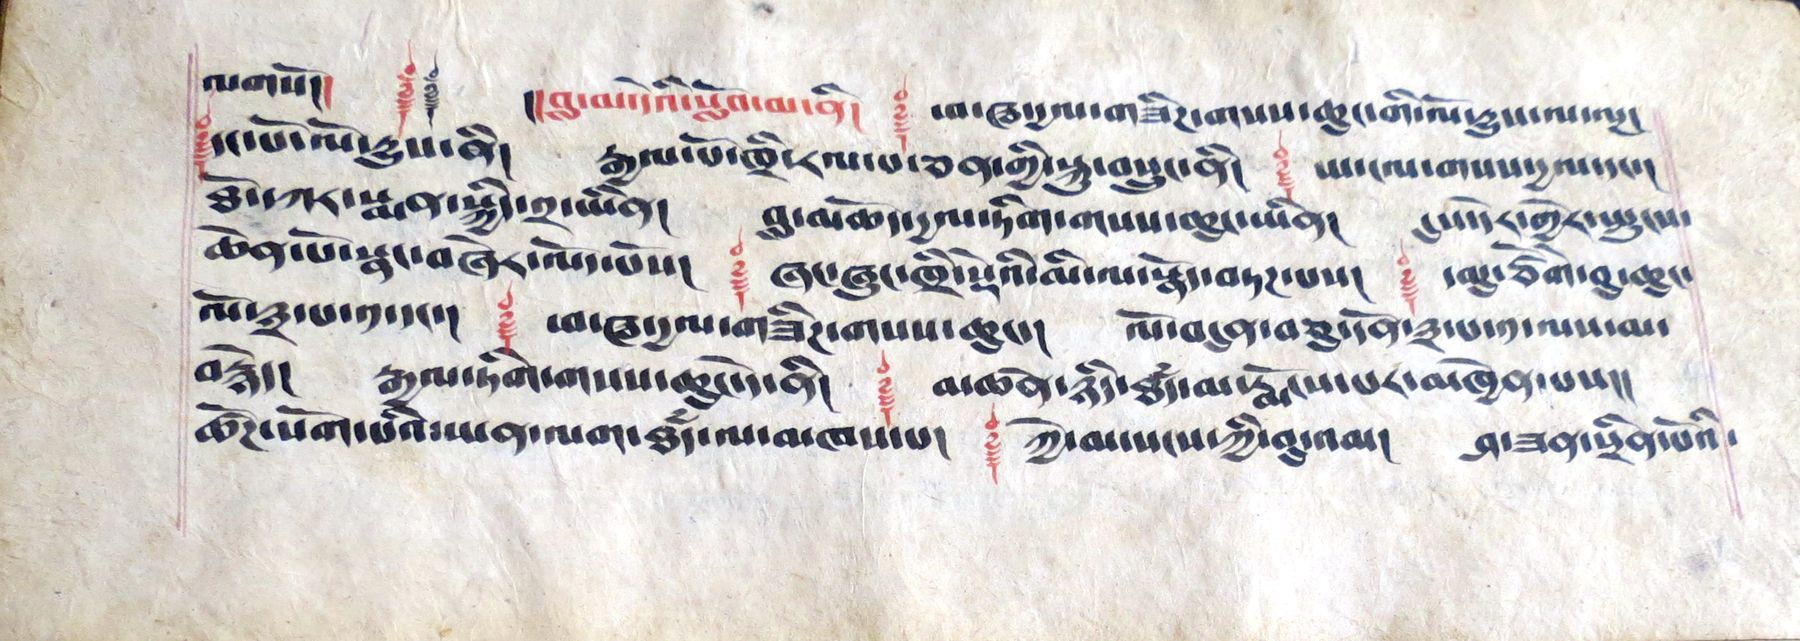ལགས་སོ། ། བླ་མ་དེའི་སློབ་མ་ནི། ཕ་བ་རྒྱལ་གཟིགས་གསས་ཆུང་གི་ལོ་རྒྱུས་ལ་ལྔ། 
དང་པོ་ལོ་རྒྱུས་ནི། རྒྱལ་པོ་ཁྲི་རལ་པ་ཅན་གྱི་སྐུ་སྲུང་ནི། ཡ་ངལ་གསས་རྒྱལ་དང་
ཐོད་དཀར་སྨན་སྐྱིད་གཉིས་ཡིན། བླ་མཆོད་རྒྱལ་ཏིག་གསས་ཆུང་ཡིན། དུས་དེར་གྱེར་སྤུངས་
ཆེན་པོ་སྣང་བཞེར་ལོད་པོས། ཞང་ཞུང་ཁྲི་སྡེའི་མི་ལ་སྣོད་བརྟགས་པས། དམུ་ཙོག་གེ་བུ་ཆུང་
ལོ་གསུམ་པ་གཅིག་དང་། ཕ་ཝ་རྒྱལ་ཏིག་གསས་ཆུང་ལོ་བདུན་ཅུ་དོན་གསུམ་པ་ལས་མ་
རྙེད། རྒྱལ་གཟིགས་གསས་ཆུང་དེ་ནི། མཚན་ཉིད་ཐམས་ཅད་མ་རྨོངས་པར་མཁྱེན་པས། 
ཚོགས་སོགས་པའི་ཡན་ལག་ཐམས་ཅད་ལ་མཁས་པ། ཀྱེ་མ་སང་གི་བུ་འམ། ཤ་ཟན་སྲིན་པོའི་